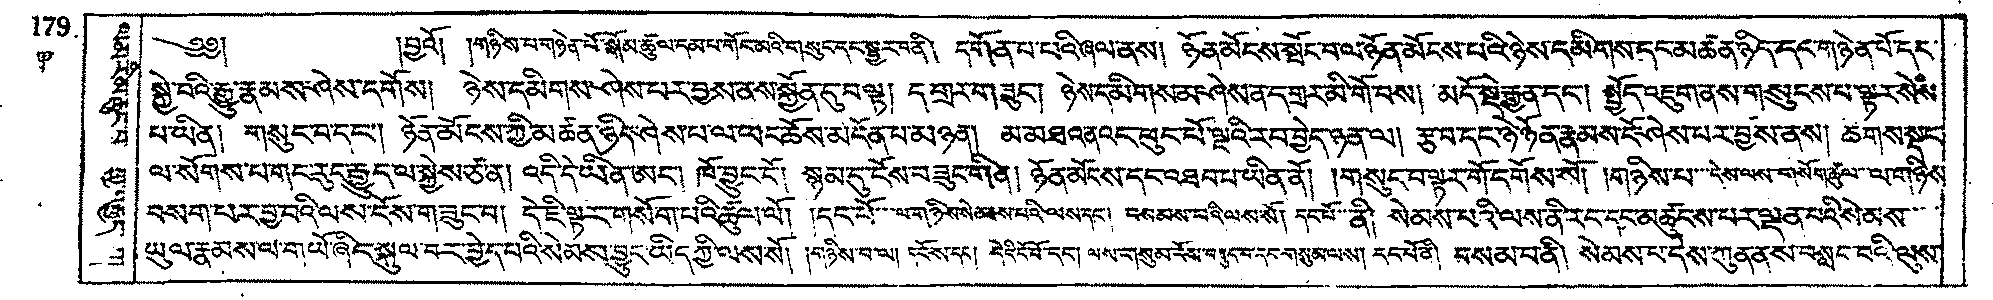༄༅། །བྱའོ། ། གཉིས་པ་གཉེན་པོ་སྒོམ་ཚུལ་དམ་པ་གོང་མའི་གསུང་དང་སྦྱར་བ་ནི། དགོན་པ་པའི་ཞལ་ནས། ཉོན་མོངས་སྤོང་བ་ལ་ཉོན་མོངས་པའི་ཉེས་དམིགས་དང་མཚན་ཉིད་དང་གཉེན་པོ་དང་
སྐྱེ་བའི་རྒྱུ་རྣམས་ཤེས་དགོས། ཉེས་དམིགས་ཤེས་པར་བྱས་ནས་སྐྱོན་དུ་བལྟ། དགྲར་གཟུང་། ཉེས་དམིགས་མ་ཤེས་ན་དགྲར་མི་གོ་བས། མདོ་སྡེ་རྒྱན་དང་། སྤྱོད་འཇུག་ནས་གསུངས་པ་ལྟར་སེཾས་
པ་ཡིན། གསུང་བ་དང་། ཉོན་མོངས་ཀྱི་མཚན་ཉིད་ཤེས་པ་ལ་ཡང་ཆོས་མངོན་པ་མཉན། མ་མཐའ་ནའང་ཕུང་པོ་ལྔའི་རབ་བྱེད་ཉན་ལ། རྩ་བ་དང་ཉེ་ཉོན་རྣམས་ངོ་ཤེས་པར་བྱས་ནས། ཆགས་སྡང་
ལ་སོགས་པ་གང་རུང་རྒྱུད་ལ་སྐྱེས་ཙ་ན། འདི་དེ་ཡིན་ཨང་། ཁོ་བྱུང་ངོ། སྙམ་དུ་ངོས་བཟུང་གིན། ཉོན་མོངས་དང་འཐབ་པ་ཡིན་ནོ། །གསུང་བ་ལྟར་གོ་དགོས་སོ། །གཉིས་པདེས་ལས་གསོག་ཚུལལ་གཉིས་
བསག་པར་བྱ་བའི་ལས་ངོས་གཟུང་བ། དེ་ཇི་ལྟར་གསོག་པའི་ཚུལ་ལོ། །དང་པོལ་གཉིས་སེམས་པའི་ལས་དང་། བསམས་པའི་ལས་སོ། །དང་པོནི། སེམས་པའི་ལས་ནི་རང་དང་མཚུངས་པར་ལྡན་པའི་སེམས་
ཡུལ་རྣམས་ལ་གཡོ་ཞིང་སྐུལ་བར་བྱེད་པའི་སེམས་བྱུང་ཡིད་ཀྱི་ལས་སོ། ། གཉིས་པ་ལ། དངོས་དང་། དེའི་ངོ་བོ་དང་། ལས་གསུམ་ངོས་འཐུང་བ་དང་གསུམ་ལས། དང་པོ་ནི།  བསམ་པ་ནི། སེམས་པ་དེས་ཀུན་ནས་བསླང་བའི་ལུས་